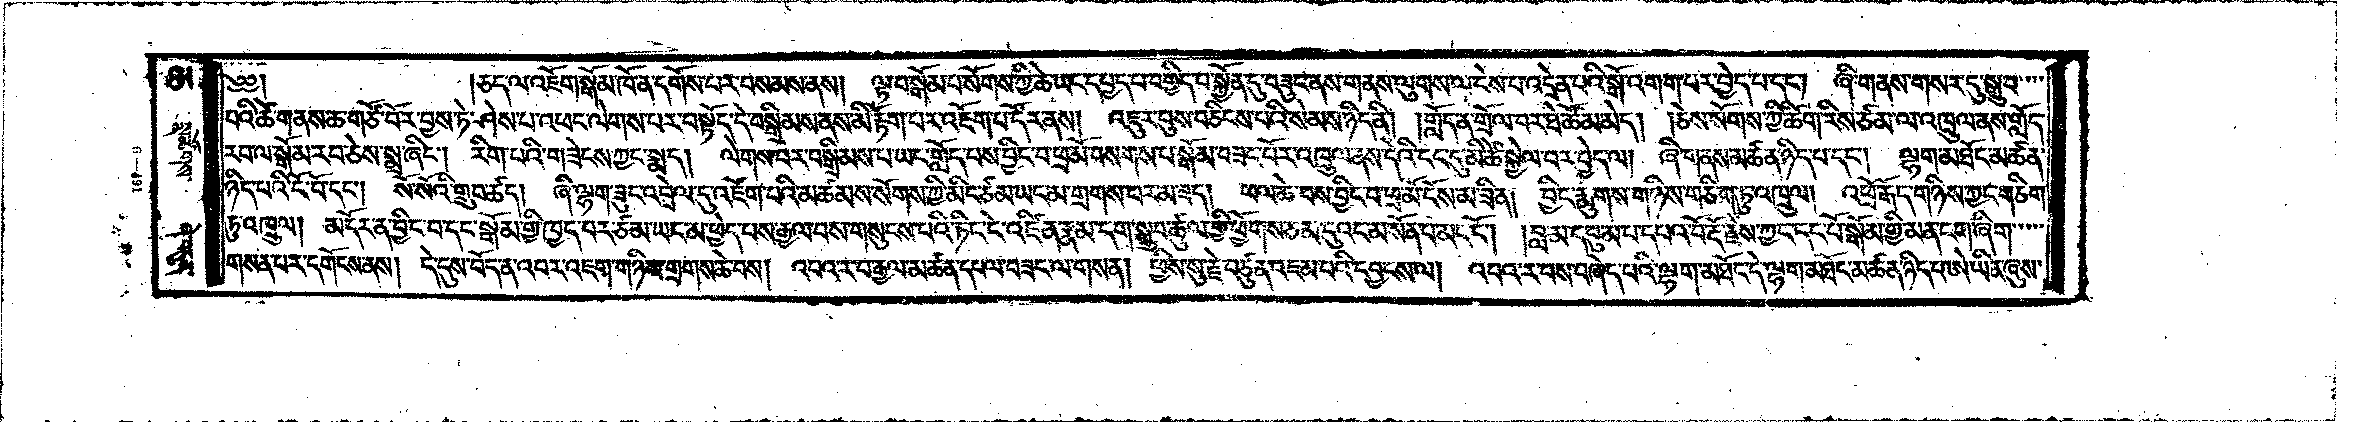༄༅། །ཅད་ལ་འཇོག་སྒོམ་ཁོ་ན་དགོས་པར་བསམས་ནས། ལྟ་བསྒོམ་པ་སོགས་ཀྱི་ཆེ་ཡང་དཔྱད་པ་བགྱིད་པ་སྐྱོན་དུ་བཟུང་ནས་གནས་ལུགས་ལ་ངེས་པ་འདྲེན་པའི་སྒོ་འགག་པར་བྱེད་པ་དང་། ཞི་གནས་གསར་དུ་སྒྲུབ་
བའི་ཚེ་གནས་ཆ་གཙོ་བོར་བྱས་ཏེ་ཤེས་པ་འཕང་ལེགས་པར་བསྟོད་དེ་བསྒྲིམས་ནས་མི་རྟོག་པར་འཇོག་པ་དོར་ནས། འཇུར་བུས་བཅིངས་པའི་སེམས་ཉིད་ནི། །གློད་ན་གྲོལ་བར་ཐེ་ཚོམ་མེད། །ཅེས་སོགས་ཀྱི་ཚིག་རིས་ཙམ་ལ་འཁྲུལ་ནས་གློད་
རབ་ལ་སྒོམ་རབ་ཅེས་སྨྲ་ཞིང་། རིག་པའི་གཟེངས་ཀྱང་སྨད། ལེགས་བར་བསྒྲིམས་པ་ཡང་གློད་པས་བྱིང་བ་ཕྲ་མོ་བསགས་པ་སྒོམ་བཟང་པོར་འཁྲུལ་ནས་དེའི་ངང་དུ་མི་ཚེ་སྐྱེལ་བར་བྱེད་ལ། ཞི་གནས་མཚན་ཉིད་པ་དང་། ལྷག་མཐོང་མཚན་
ཉིད་པའི་ངོ་བོ་དང་། སོ་སོའི་གྲུབ་ཚད། ཞི་ལྷག་ཟུང་འབྲེལ་དུ་འཇོག་པའི་མཚམས་སོགས་ཀྱི་མིང་ཙམ་ཡང་མ་གྲགས་པར་མ་ཟད། ཕལ་ཆེ་བས་བྱིང་བ་ཕྲ་མོ་ངོས་མ་ཟིན། བྱིང་རྨུགས་གཉིས་གཅིག་ཏུ་འཁྲུལ། འཕྲོ་རྒད་གཉིས་ཀྱང་གཅིག་
ཏུ་འཁྲུལ། མདོར་ན་བྱིང་བ་དང་སྒོམ་གྱི་ཁྱད་པར་ཙམ་ཡང་མ་ཕྱེད་པས་རྒྱལ་བས་གསུངས་པའི་ཏིང་ངེ་འཛིན་རྣམ་དག་སྒྲུབ་ཚུལ་གྱི་ཕྱོགས་ཅམ་དུའང་མ་སོན་པ་མང་ངོ། །བླ་མ་དབུ་མ་པ་དཔའ་བོ་རྡོ་རྗེས་ཀྱང་དང་པོ་སྒོམ་གྱི་མན་ངག་ཞིག་
གསན་པར་དགོངས་ནས། དེ་དུས་བོད་ན་འབར་འཇག་གཉིས་གྲགས་ཆེ་བས། འབའ་རབ་རྒྱལ་མཚན་དཔལ་བཟང་ལ་གསན། ཕྱིས་སུ་རྗེ་བཙུན་འཇམ་པའི་དབྱངས་ལ། འབའ་རབས་བཞེད་པའི་ལྷག་མཐོང་དེ་ལྷག་མཐོང་མཚན་ཉིད་པ་ཨེ་ཡིན་ཞུས་